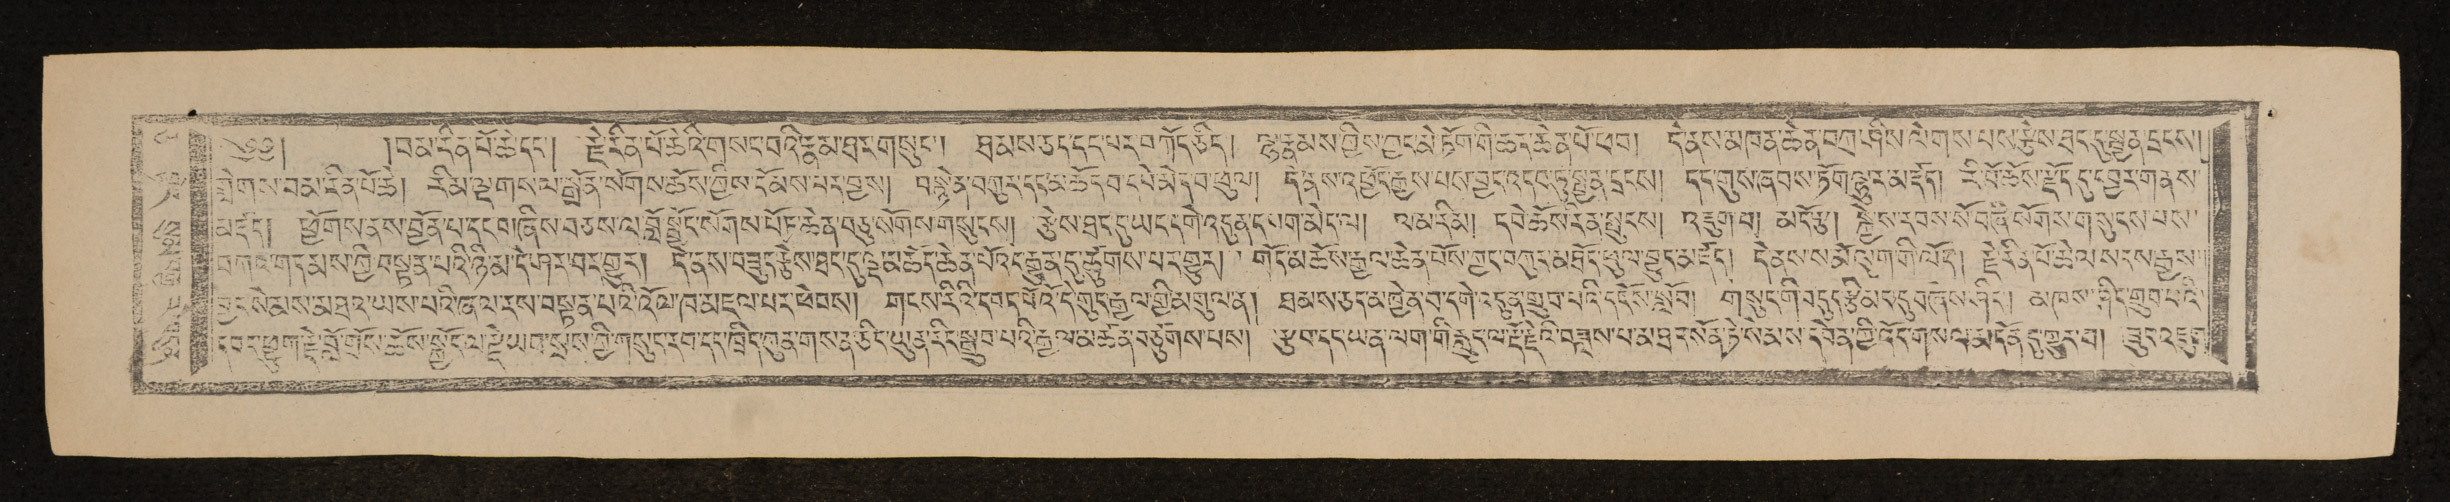༄༅། །བམ་རིན་པོ་ཆེ་དང་། རྗེ་རིན་པོ་ཆེའི་གསང་བའི་རྣམ་ཐར་གསུང་། ཐམས་ཅད་ངད་པར་བཀོད་ཅིང་། ལྷ་རྣམས་ཀྱིས་ཀྱང་མེ་ཏོག་གི་ཆར་ཆེན་པོ་ཕབ། དེ་ནས་མཁན་ཆེན་བཀྲ་ཤིས་ལེགས་པས་རྩེས་ཐང་དུ་སྤྱན་དྲངས།
གླེགས་བམ་རིན་པོ་ཆེ། རིམ་ལྔ་གསལ་སྒྲོན་སོགས་ཆོས་ཀྱིས་ངོམས་པར་བྱས། བསྙེན་བཀུར་དང་མཆོད་པ་དཔེ་མེད་པ་ཕུལ། དེ་ནས་འཕྱོང་རྒྱས་པས་བྱང་འདབ་ཏུ་སྤྱན་དྲངས། དད་གུས་ཞབས་ཏོག་ལྷུར་མཛད། རི་བོ་ཆོས་རྗོད་དུ་དབྱར་གནས་
མཛད། ཕྱོགས་ནས་བྱོན་པ་དང་གཞིས་བཅས་ལ་བློ་སྦྱོང་སོགས་པོ་ཏ་ཆེན་བཅུ་སོགས་གསུངས། རྩེས་ཐང་དུ་ཡང་དགེ་འདུན་དཔག་མེད་ལ། ལམ་རིམ། དཔེ་ཆོས་རིན་སྤུངས། འཇུག་པ། མདོ་རྩ། སྐྱེས་རབས་སོ་བཞི་སོགས་གསུངས་པས་
བཀའ་གདམས་ཀྱི་བསྟན་པའི་ཉི་མ་དེ་ཤར་བར་གྱུར། དེ་ནས་བཟུང་རྩེས་ཐང་དུ་ལྔ་མཆོད་ཆེན་པོའང་རྒྱུན་དུ་ཚུགས་པར་གྱུར། གོང་མ་ཆོས་རྒྱལ་ཆེན་པོས་ཀྱང་བཀུར་མཐོང་ཕུལ་བྱུང་མཛད། དེ་ནས་ས་མོ་ལུག་གི་ལོར། རྗེ་རིན་པོ་ཆེ་ལ་སངས་རྒྱས་
བྱང་སེམས་མཐའ་ཡས་པའི་ཞལ་རས་བསྟན་པའི་འོལ་ཁ་མཇལ་པར་ཕེབས། གངས་རིའི་དབང་པོ་འོ་དེ་གུང་རྒྱལ་གྱི་མགུལ་ན། ཐམས་ཅད་མཁྱེན་པ་དགེ་འདུན་གྲུབ་པའི་དངོས་སློབ། གསུང་གི་བདུད་རྩི་མང་དུ་བཞེས་ཤིང་། མཁས་ཤིང་གྲུབ་པའི་
དབང་ཕྱུག་རྗེ་བློ་གྲོས་ཆོས་སྐྱོང་ལ་རྗེ་ཡབ་སྲས་ཀྱི་གསུང་རབ་དང་ཁྲིད་ཀུན་གསན་ཅིང་ཡུན་རིང་སྒྲུབ་པའི་རྒྱལ་མཚན་བཙུགས་པས། རྩ་བ་དང་ཡན་ལག་གི་རླུང་ལ་རྡོ་རྗེའི་བཟླས་པ་མཐར་སོན་ཏེ་སེམས་དབེན་གྱི་འོད་གསལ་མངོན་དུ་གྱུར་པ། ཟུང་འཇུག་